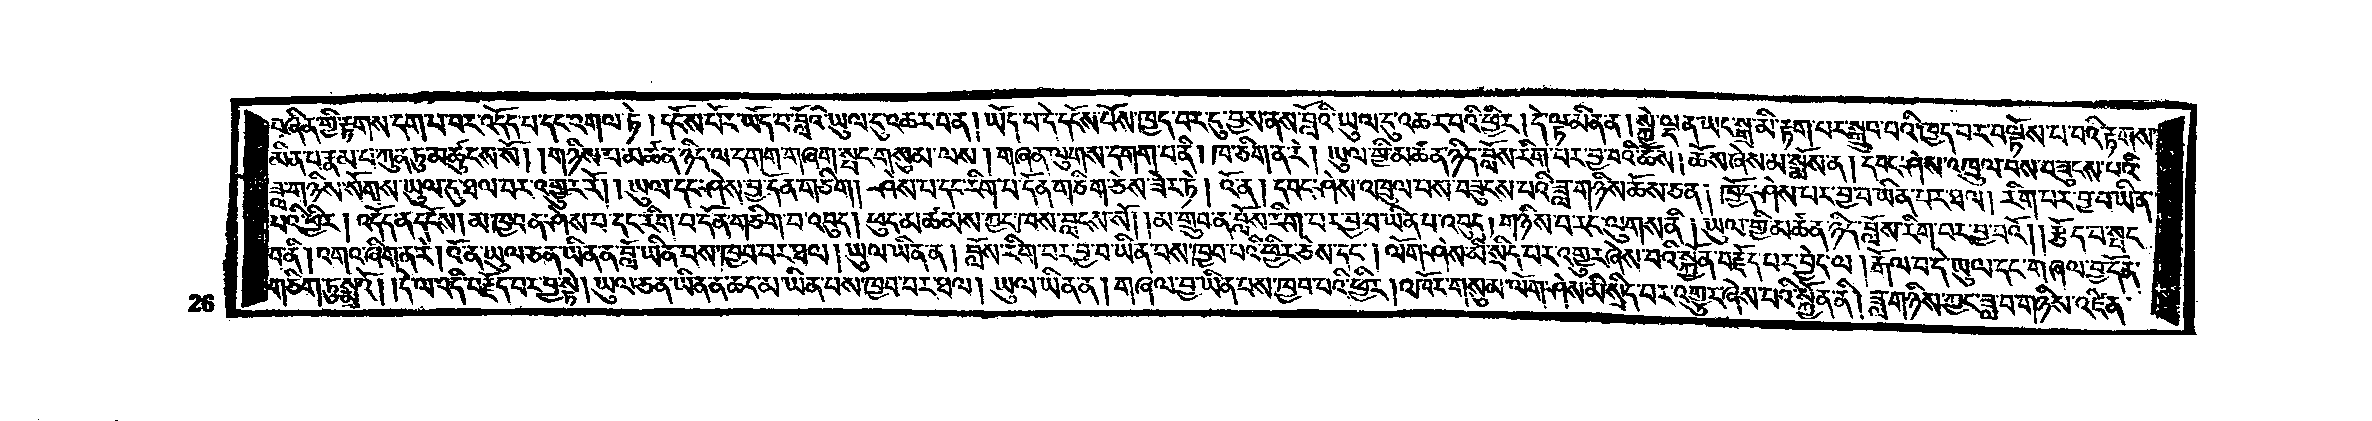བཞིན་གྱི་རྟགས་དག་པ་བར་འདོད་པ་དང་འགལ་ཏེ། དངོས་པོར་ཡོད་པ་བློའི་ཡུལ་དུ་འཆར་བ་ན། ཡོད་པ་དེ་དངོས་པོས་ཁྱད་པར་དུ་བྱས་ནས་བློའི་ཡུལ་དུ་འཆར་བའི་ཕྱིར། དེ་ལྟ་མིན་ན། སྐྱེ་ལྡན་ཡང་སྒྲ་མི་རྟག་པར་སྒྲུབ་པའི་ཁྱད་པར་བལྟོས་པ་བའི་རྟགས་
མིན་པ་རྣམ་པ་ཀུན་ཏུ་མཚུངས་སོ། །གཉིས་པ་མཚན་ཉིད་ལ་དགག་གཞག་སྤོང་གསུམ་ལས། གཞན་ལུགས་དགག་པ་ནི། ཁ་ཅིག་ན་རེ། ཡུལ་གྱི་མཚན་ཉིད་བློས་རིག་པར་བྱ་བའི་ཆོས། ཆོས་ཞེས་མ་སྨོས་ན། དབང་ཤེས་འཁྲུལ་པས་བཟུངས་བའི་
ཟླ་གཉིས་སོགས་ཡུལ་དུ་ཐལ་བར་འགྱུར་རོ། །ཡུལ་དང་ཤེས་བྱ་དོན་གཅིག །ཤེས་པ་དང་རིག་པ་དོན་གཅིག་ཅེས་ཟེར་ཏེ། འོ་ན། དབང་ཤེས་འཁྲུལ་པས་བཟུངས་པའི་ཟླ་གཉིས་ཆོས་ཅན། ཁྱོད་ཤེས་པར་བྱ་བ་ཡིན་པར་ཐལ། རིག་པར་བྱ་བ་ཡིན་
པའི་ཕྱིར། འདོད་ན་དངོས། མ་ཁྱབ་ན་ཤེས་པ་དང་རིག་པ་དོན་གཅིག་པ་འབུད། ཕུང་མཚམས་ཀྱང་ཁས་བླངས་སོ། །མ་གྲུབ་ན་བློས་རིག་པར་བྱ་བ་ཡིན་པ་འབུད། གཉིས་པ་རང་ལུགས་ནི། ཡུལ་གྱི་མཚན་ཉིད་བློས་རིག་པར་བྱ་བའོ། །རྩོད་པ་སྤོང་
བ་ནི། འགའ་ཞིག་ན་རེ། འོ་ན་ཡུལ་ཅན་ཡིན་ན་བློ་ཡིན་པས་ཁྱབ་པར་ཐལ། ཡུལ་ཡིན་ན། བློས་རིག་པར་བྱ་བ་ཡིན་པས་ཁྱབ་པའི་ཕྱིར་ཅེས་དང་། ལོག་ཤེས་མི་སྲིད་པར་འགྱུར་ཞེས་པའི་སྐྱོན་བརྗོད་པར་བྱེད་ལ། རྒོལ་བ་དེ་ཡུལ་དང་གཞལ་བྱ་དོན་
གཅིག་ཏུ་སྨྲའོ། །དེ་ལ་འདི་བརྗོད་པར་བྱ་སྟེ། ཡུལ་ཅན་ཡིན་ན་ཚད་མ་ཡིན་པས་ཁྱབ་པར་ཐལ། ཡུལ་ཡིན་ན། གཞལ་བྱ་ཡིན་པས་ཁྱབ་པའི་ཕྱིར། འཁོར་གསུམ་ལོག་ཤེས་མི་སྲིད་པར་འགྱུར་ཞེས་པའི་སྐྱོན་ནི། ཟླ་གཉིས་ཀྱང་ཟླ་བ་གཉིས་འཛིན་